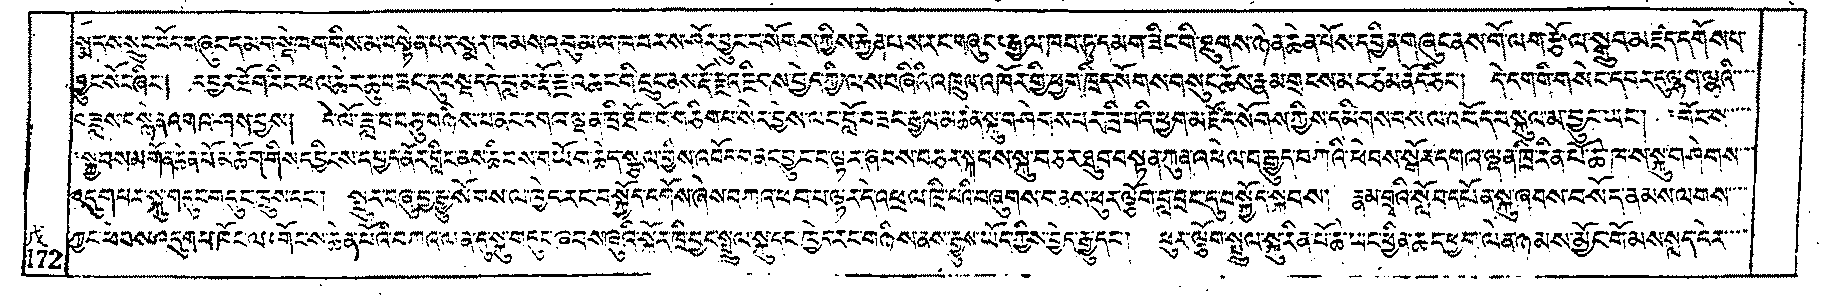སྨད་ས་སྲུང་བོད་གཞུང་དམག་སྡེ་ཁག་གིས་མ་བསྟེན་པར་སྨར་ཁམས་འབུམ་ལ་ཁ་བར་ས་ཤོར་བྱུང་བ་སོགས་ཀྱིས་རྐྱེན་པས་རང་གཞུང་༧རྒྱལ་ཁབ་ཏུ་དམག་ཟིང་གི་ཐུགས་ཉེན་ཆེན་པོས་དབྱིན་གཞུང་ནས་གོ་ལག་རྩོལ་སྒྲུབ་མཛད་དགོས་པ་
བྱུང་སོང་ཞིང་། དབྱར་ཐོག་རིང་ཕལ་ཆེར་ཆུ་བཟང་དུ་བསྡད་དེ་བླ་མ་རྡོ་རྗེ་འཆང་གི་དྲུང་ནས་རྡོ་རྗེ་འཇིགས་བྱེད་ཀྱི་ལས་བཞིའི་འཁྲུལ་འཁོར་གྱི་ཕྱག་ཁྲིད་སོགས་གསུང་ཆོས་རྣམ་གྲངས་མང་ཙམ་ནོད་ཅིང་། དེ་དག་གི་གསེང་དབར་དུ་ལྷག་ལྷའི་
བཟླས་བསྙེན་འགའ་ཤས་བྱས། དེ་ལོ་ཟླ་བ་བཅུ་གཉིས་པ་ནང་དགའ་ལྡན་ཁྲི་ཐོག་གོ་གཅིག་པ་སེར་བྱེས་ལ་བ་བློ་བཟང་རྒྱལ་མཚན་སྐུ་གཤེགས་པར་ཁྲི་བའི་ཕྱག་མཛོད་སོགས་ཀྱིས་དམིགས་བསལ་འབོད་བསྐུལ་མ་བྱུང་ཡང་། ༧་གོང་ས་
༧་སྐྱབས་མགོན་ཆེན་པོ་མཆོག་གིས་དབྱིངས་དཔྱད་ནོར་གླིང་ནས་ཆིབས་གཡོག་ཆེད་སྩལ་གྱིས་འབོད་གནང་བྱུང་བ་ལྟར་ཞབས་བཅར་སྐབས་སྐུ་བཅར་ཐུབ་བསྟན་ཀུན་འཕེལ་བརྒྱུད་བཀའི་ཕེབས་སྒོར་དགའ་ལྡན་ཁྲི་རིན་པོ་ཆེ་ཁ་ས་སྐུ་གཤེགས་
འདུག་པར་སྐུ་གདུང་གདུང་ཁྲུས་དང་། སྤུར་བཞུ་བྱ་རྒྱུ་སོགས་ལ་ཁྱེད་རང་བསྐྱོད་དགོས་ཞེས་བཀའ་ཕབ་པ་ལྟར་དེ་འཕྲལ་ཁྲི་བའི་བཞུགས་གནས་ཕུར་ལྕོག་བླ་བྲང་དུ་བསྐྱོད་སྐབས། རྣམ་གྲྭའི་སློབ་དཔོན་སྐུ་ཞབས་བསོད་ནམས་ལགས་
ཀྱང་ཕེབས་འདུག་པ་ཁོང་ལ་༧་གོང་ས་ཆེན་པོའི་བཀའ་ལན་དུ་སྐུ་གདུང་ཞབས་ཞུའི་སྐོར་ཁྲི་བྱང་སྤྲུལ་སྐུ་དང་ཁྱེད་རང་གཉིས་ནས་རྒྱུས་ཡོད་ཀྱིས་བྱེད་རྒྱུ་དང་། ཕུར་ལྕོག་སྤྲུལ་སྐུ་རིན་པོ་ཆེ་ཡང་ཕྱིན་ཆད་ཕྱག་ལེན་ཉམས་མྱོང་གོམས་སླད་དེར་